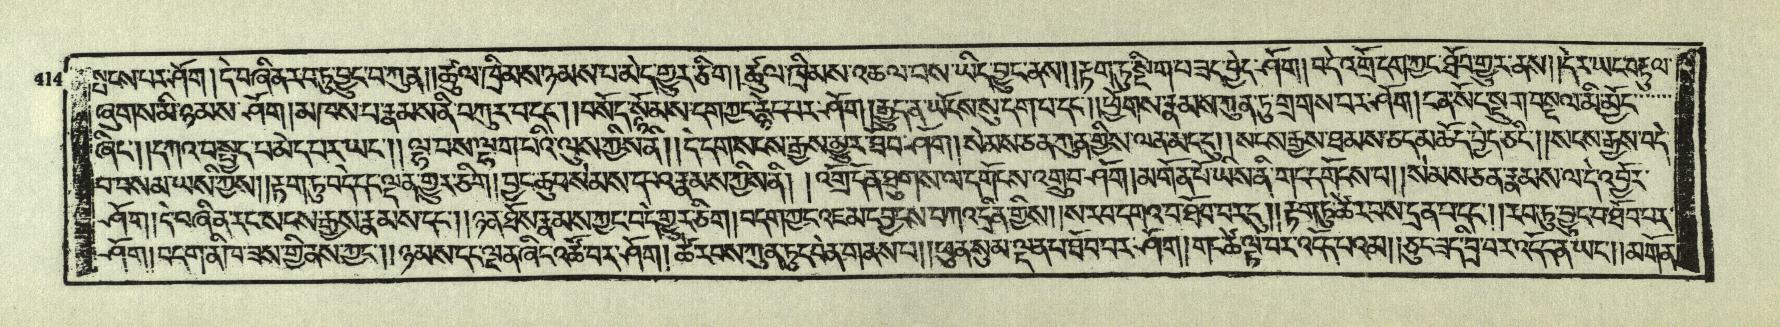སྤངས་པར་ཤོག །དེ་བཞིན་རབ་ཏུ་བྱུང་བ་ཀུན། །ཚུལ་ཁྲིམས་ཉམས་པ་མེད་གྱུར་ཅིག །ཚུལ་ཁྲིམས་འཆལ་བས་ཡིད་བྱུང་ནས། །རྟག་ཏུ་སྡིག་པ་ཟད་བྱེད་ཤོག །བདེ་འགྲོ་དག་ཀྱང་ཐོབ་གྱུར་ནས། །དེར་ཡང་བརྟུལ་
ཞུགས་མི་ཉམས་ཤོག །མཁས་པ་རྣམས་ནི་བཀུར་བ་དང་། །བསོད་སྙོམས་དག་ཀྱང་རྙེད་པར་ཤོག །རྒྱུད་ན་ཡོངས་སུ་དག་པ་དང་། །ཕྱོགས་རྣམས་ཀུན་ཏུ་གྲགས་པར་ཤོག །ངན་སོང་སྡུག་བསྔལ་མི་མྱོང་
ཞིང་། །དཀའ་བསྤྱད་པ་མེད་པར་ཡང་། །ལྷ་བས་ལྷག་པའི་ལུས་ཀྱིས་ནི། །དེ་དག་སངས་རྒྱས་མྱུར་ཐོབ་ཤོག །སེམས་ཅན་ཀུན་གྱིས་ལན་མང་དུ། །སངས་རྒྱས་ཐམས་ཅད་མཆོད་བྱེད་ཅིང་། །སངས་རྒྱས་བདེ་
བ་བསམ་ཡས་ཀྱིས། །རྟག་ཏུ་བདེ་དང་ལྡན་གྱུར་ཅིག །བྱང་ཆུབ་སེམས་དཔའ་རྣམས་ཀྱིས་ནི། །འགྲོ་དོན་ཐུགས་ལ་དགོངས་འགྲུབ་ཤོག །མགོན་པོ་ཡིས་ནི་གང་དགོངས་པ། །སེམས་ཅད་རྣམས་ལ་དེ་འབྱོར་
ཤོག །དེ་བཞིན་རང་སངས་རྒྱས་རྣམས་དང་། །ཉན་ཐོས་རྣམས་ཀྱང་བདེ་གྱུར་ཅིག །བདག་ཀྱང་འཇམ་དབྱངས་བཀའ་དྲིན་གྱིས། །ས་རབ་དགའ་བ་ཐོབ་བར་དུ། །རྟག་ཏུ་ཚེ་རབས་དྲན་པ་དང་། །རབ་ཏུ་བྱུང་བ་ཐོབ་པར་
ཤོག །བདག་ནི་ཁ་ཟས་གྱི་ནས་ཀྱང་། །ཉམས་དང་ལྡན་ཞིང་འཚོ་བར་ཤོག །ཚེ་རབས་ཀུན་ཏུ་དབེན་གནས་པ། །ཕུན་སུམ་ལྡན་པ་ཐོབ་བར་ཤོག །གང་ཚེ་ལྟ་བར་འདོད་པའམ། །ཅུང་ཟད་བྲི་བར་འདོད་ན་ཡང་། །མགོན་